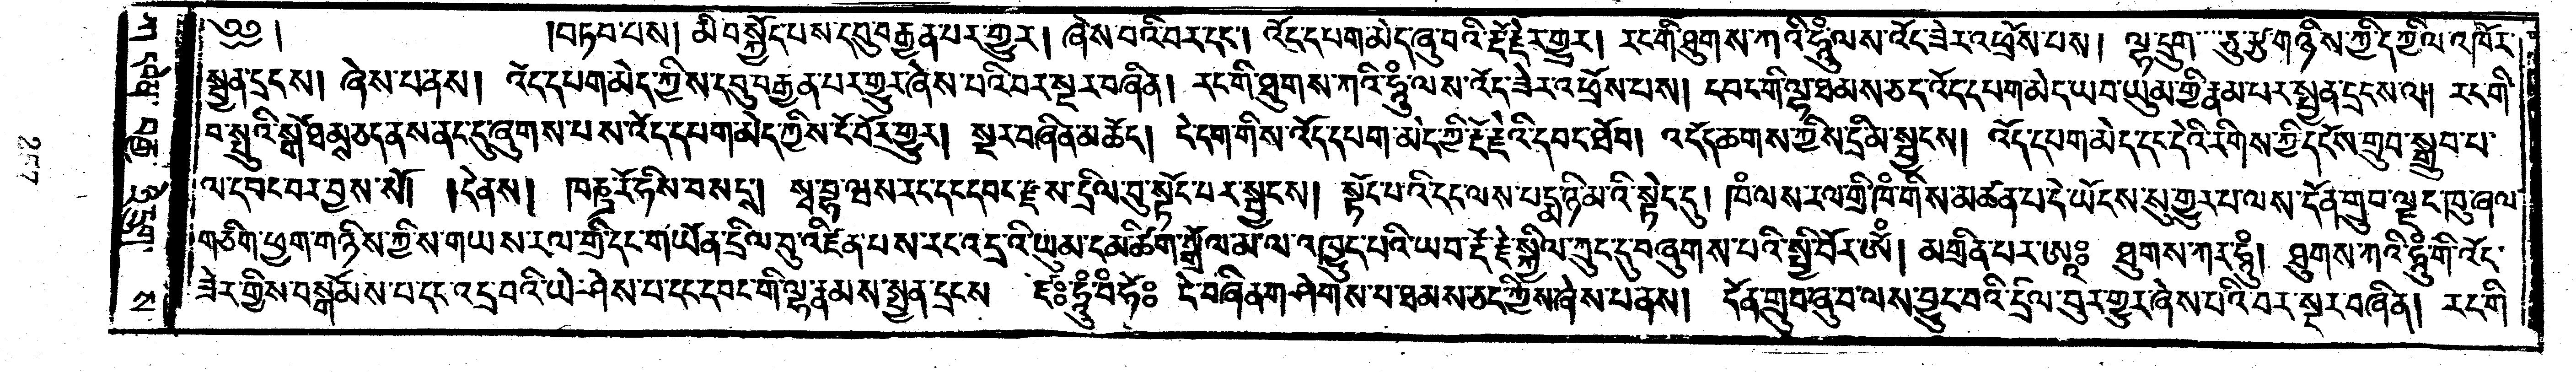༄༅། །བཏབ་པས། མི་བསྐྱོད་པས་དབུ་བརྒྱན་པར་གྱུར། ཞེས་པའི་བར་དང་། འོད་དཔག་མེད་ཞུ་བའི་རྡོ་རྗེར་གྱུར། རང་གི་ཐུགས་ཀའི་ཧཱུཾ་ལས་འོད་ཟེར་འཕྲོས་པས། ལྷ་དྲུག་ཅུ་རྩ་གཉིས་ཀྱི་དཀྱིལ་འཁོར་
སྤྱན་དྲངས། ཞེས་པ་ནས། འོད་དཔག་མེད་ཀྱིས་དབུ་བརྒྱན་པར་གྱུར་ཞེས་པའི་བར་སྔར་བཞིན། རང་གི་ཐུགས་ཀའི་ཧཱུཾ་ལས་འོད་ཟེར་འཕྲོས་པས། དབང་གི་ལྷ་ཐམས་ཅད་འོད་དཔག་མེད་ཡབ་ཡུམ་གྱི་རྣམ་པར་སྤྱན་དྲངས་ལ། རང་གི་
བ་སྤུའི་སྒོ་ཐམས་ཅད་ནས་ནང་དུ་ཞུགས་པས་འོད་དཔག་མེད་ཀྱིས་ངོ་བོར་གྱུར། སྔར་བཞིན་མཆོད། དེ་དག་གིས་འོད་དཔག་མེད་ཀྱི་རྡོ་རྗེའི་དབང་ཐོབ། འདོད་ཆགས་ཀྱིས་དྲི་མ་སྦྱངས། འོད་དཔག་མེད་དང་དེའི་རིགས་ཀྱི་དངོས་གྲུབ་སྒྲུབ་པ་
ལ་དབང་བར་བྱས་སོ། །དེ་ནས། ཁཎྜ་རོ་ཧིས་བསངས། སྭ་བྷ་ཝས་རང་དང་དབང་རྫས་དྲིལ་བུ་སྟོང་པར་སྦྱངས། སྟོང་པའི་ངང་ལས་པདམ་ཉི་མའི་སྟེང་དུ། ཁཾ་ལས་རལ་གྲི་ཁཾ་གིས་མཚན་པ་དེ་ཡོངས་སུ་གྱུར་པ་ལས་དོན་གྲུབ་ལྗང་ཁུ་ཞལ་
གཅིག་ཕྱག་གཉིས་ཀྱི་ས་གཡས་རལ་གྲི་དང་གཡོན་དྲིལ་བུ་འཛིན་པས་རང་འདྲའི་ཡུམ་དམ་ཚིག་སྒྲོལ་མ་ལ་འཁྱུད་པའི་ཡབ་རྡོ་རྗེ་སྐྱིལ་ཀྲུང་དུ་བཞུགས་པའི་སྤྱི་བོར་ཨོཾ། མགྲིན་པར་ཨཱཿ ཐུགས་ཀར་ཧཱུཾ། ཐུགས་ཀའི་ཧཱུཾ་གི་འོད་
ཟེར་གྱིས་བསྒོམས་པ་དང་འདྲ་བའི་ཡེ་ཤེས་པ་དང་དབང་གི་ལྷ་རྣམས་སྤྱན་དྲངས་ཛཿ ཧཱུཾ་བཾ་ཧོཿ དེ་བཞིན་གཤེགས་པ་ཐམས་ཅད་ཀྱིས་ཞེས་པ་ནས། དོན་གྲུབ་ཞུ་བ་ལས་བྱུང་བའི་དྲིལ་བུར་གྱུར་ཞེས་པའི་བར་སྔར་བཞིན། རང་གི་